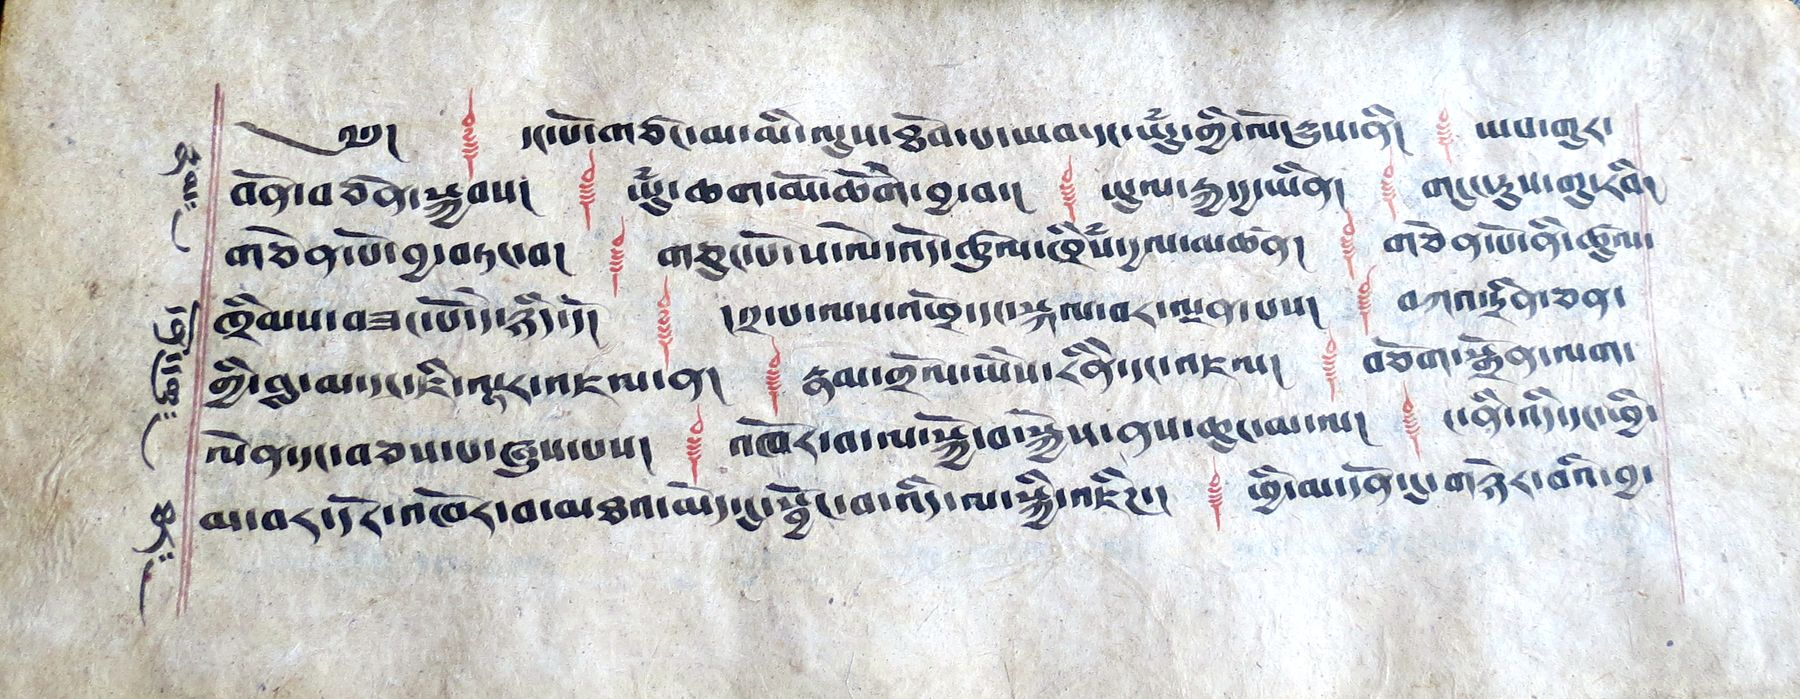དང་པོ་གཙང་མ་མི་ལུས་ཐོབ་པ་ཡབ་དང་ཡུམ་གྱི་ལོ་རྒྱུས་ནི། ཡབ་གུར་
བོན་བཙན་བསྐྱབས། ཡུམ་ཆག་མོ་ཆོག་གེ་བྱ་བ། ཡུལ་རྐྱ་རྒྱ་ཡིན། གདུང་རུས་གུ་རིབ། 
གཅེན་པོ་བྱ་བཏང་པ། གཅུང་པོ་སལེ་འོད་ཚུལ་ཁྲིམས་རྒྱལ་མཚན། གཅེན་པོ་ནི་ཚུལ་
ཁྲིམས་བཟང་པོ་དེ་ཉིད་དོ། ། གཉིས་པ་ལས་འཕྲོ་དང་སྐལ་པར་ལྡན་པས། བཀའ་དྲིན་ཅན་
གྱི་བླ་མ་དང་ཅི་ལྟར་མཇལ་ན། རྣམ་གྲོལ་ཡེ་ཤེས་རིན་ཆེན་དང་མཇལ། བཅོག་སྒྲོན་ལག་
ལེན་དང་བཅས་པ་ཞུས་པས། འཁོར་བ་ལ་སྐྱོ་བ་སྐྱེས་ནས། ཆུང་མ་ལ་ང་ནི་འདི་དང་ཕྱི་
མ་བར་དོར་འཁོར་བ་མཐའ་མེད་སྦྱོང་བ་འདི་ལ་སྐྱི་འཇིགས། ཕྱི་མ་དོན་དུ་གཉེར་བའི་བྱ